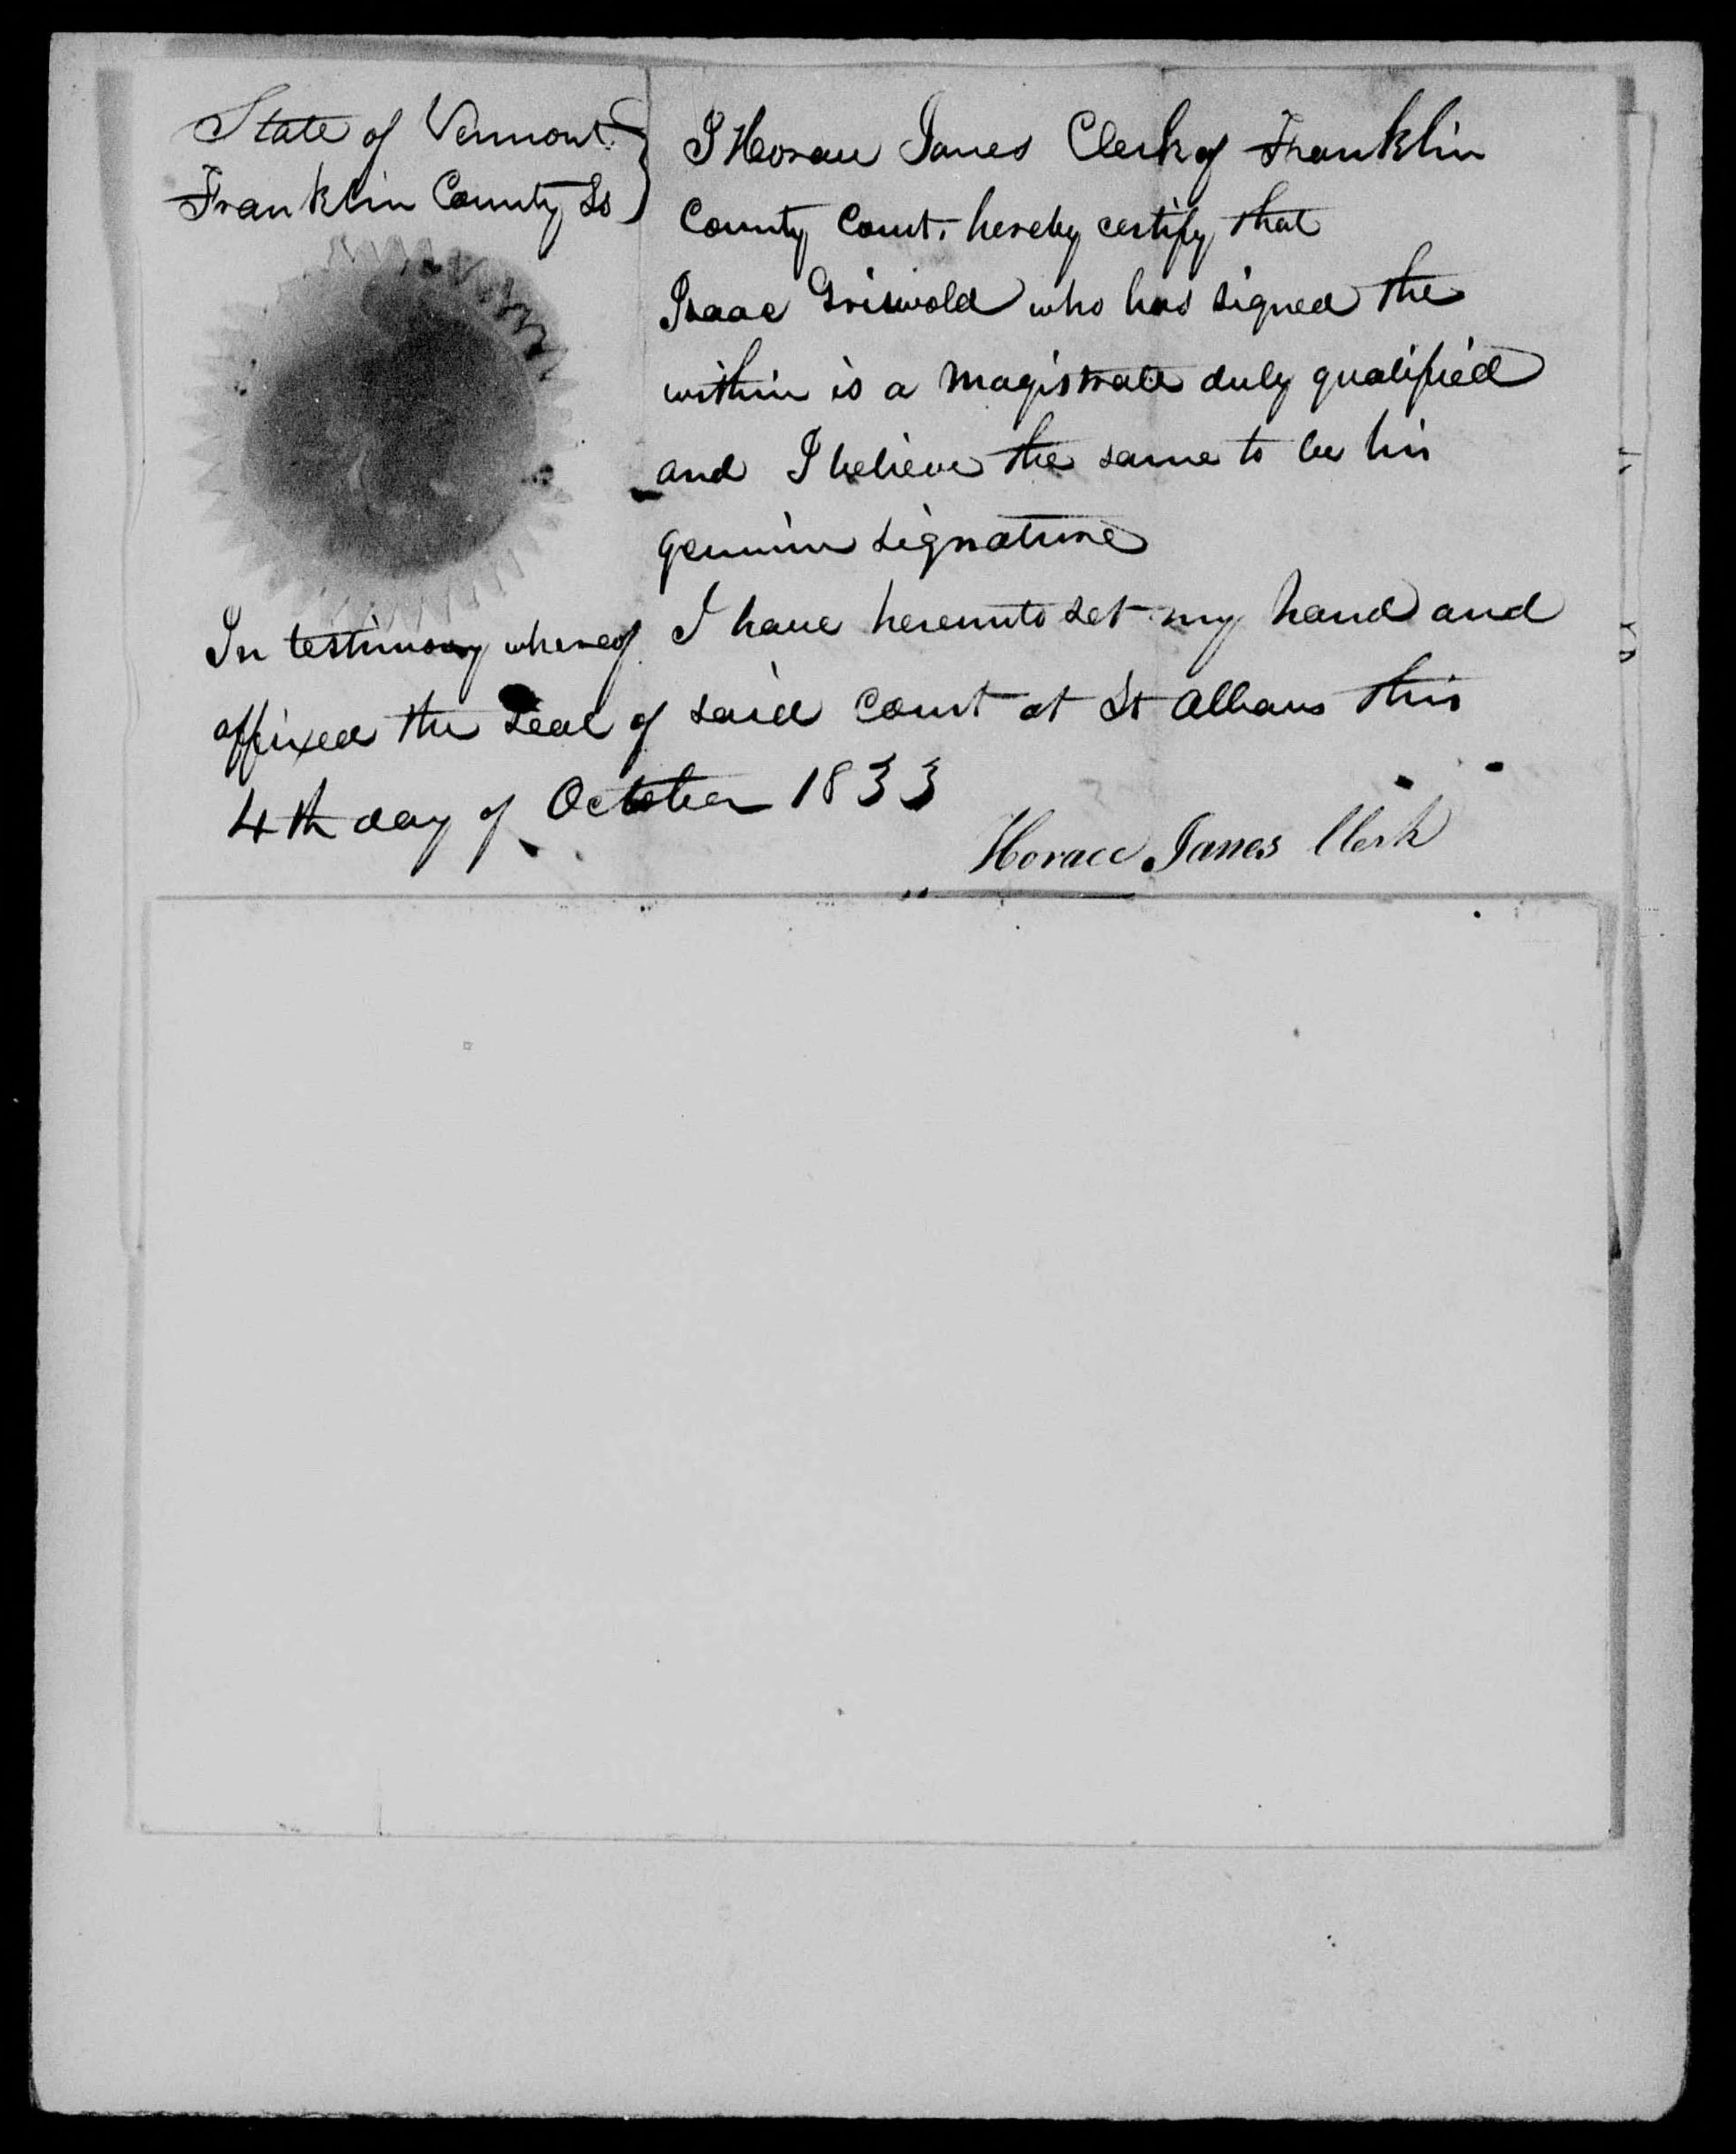State of Vermont
Franklin County ss

I Horace Jones Clerk of Franklin County Court, hereby certify that Isaac Griswold who had signed the within is a magistrate duly qualified and I believe the same to be his genuine signature

[seal of Franklin County Court]

In testimony whereof I have hereunto set my hand and affixed the seal of said Court at St Albans this 4th day of October 1833

Horace James Clerk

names: Isaac Griswold, Horace Janes, Horace Janes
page: 52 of 72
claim: widow's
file: W. 7771, Stephen Holmes, Vt.